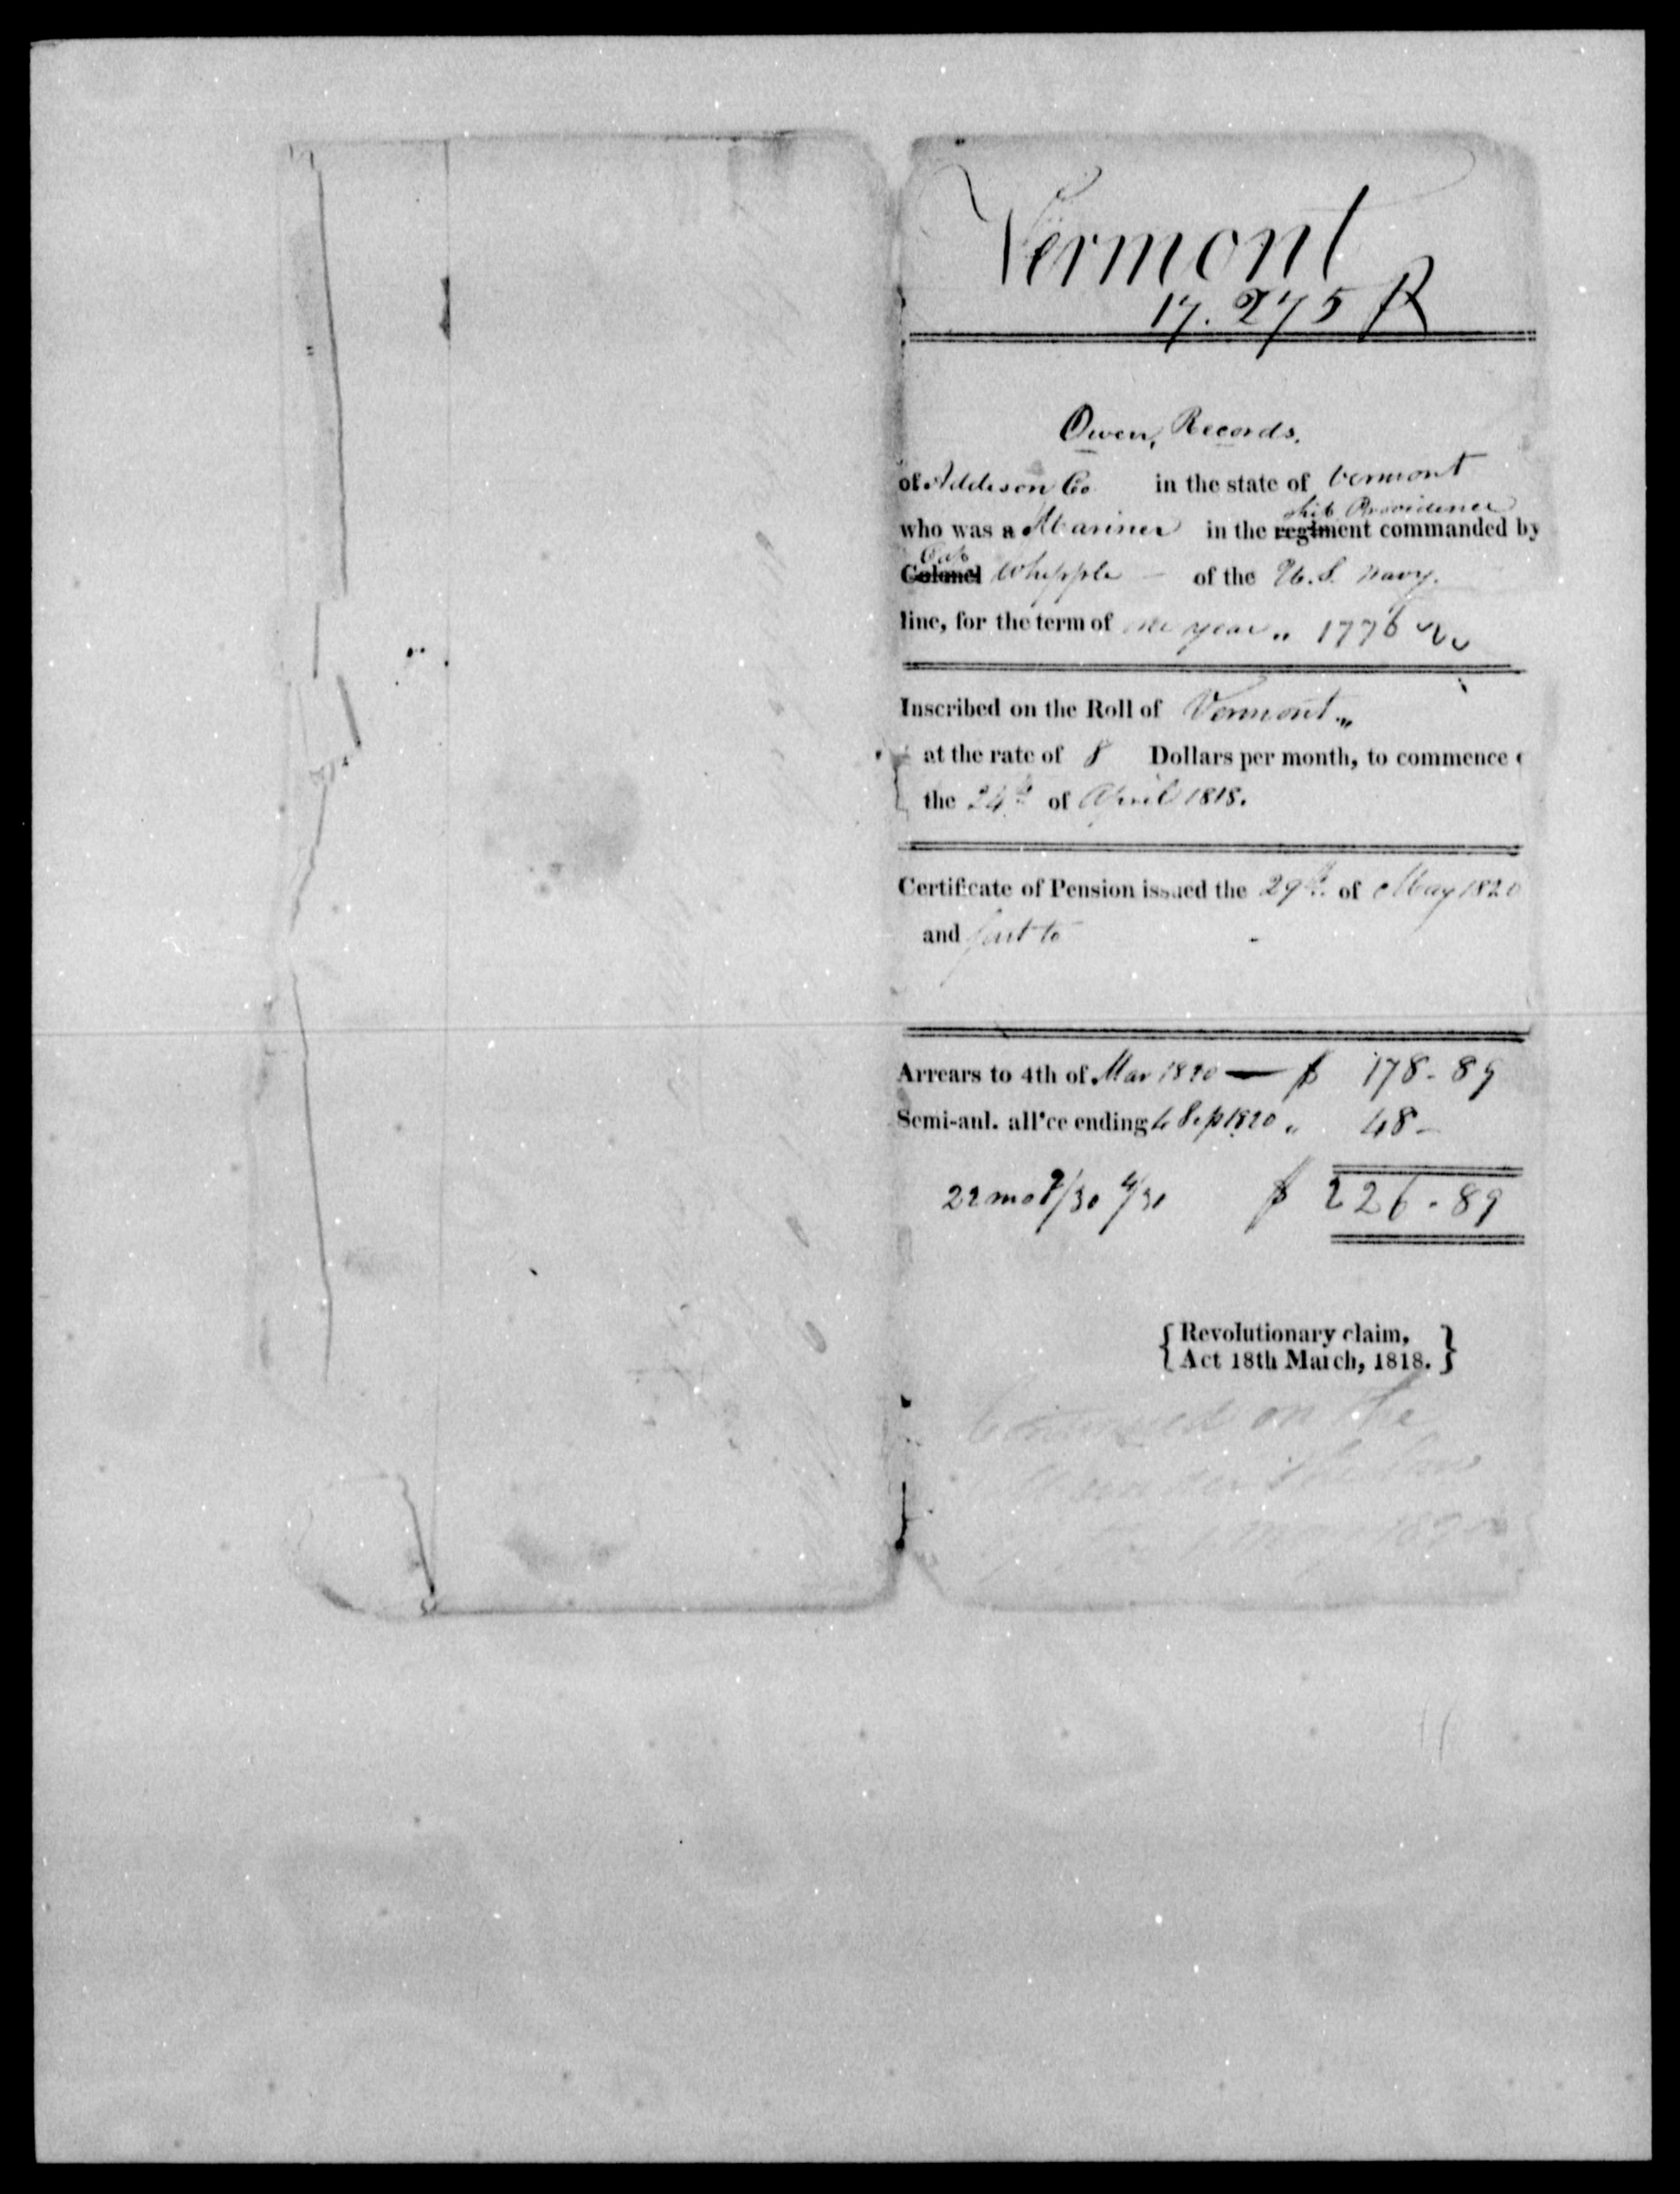Vermont
17.275 R
==========================
Owen, Records.
of Addison Co. in the state of Vermont
who was a Mariner in the ["regiment" lined thru] ship Providence
commanded by 
Cap. ["Colonel" lined thru] Whipple of the U. S. Navy
line, for the term of one year 1776 (portion of page torn)
==================================
Inscribed on the Roll of Vermont,,
at the rate of 8 Dollars per month, to commence on 
the 24th of April 1818.
=================================
Certificate of Pension issued the 29th of May 1820 
and sent to [faded out]
==================================
Arrears to 4th of Mar 1820 $178.89
Semi-anl. all'ce ending 4 Sept 1820,,  48-
22 moth  8/30  4/30.             $226.89
==================================
{Revolutionary claim, Act 18th March, 1818.}    

Continued on the ?? served the ?? of two to May 1821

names: [BLANK] Whipple; Owen Records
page: 2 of 12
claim: survivor's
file: S. 41977, for Owen Records, Rhode Island